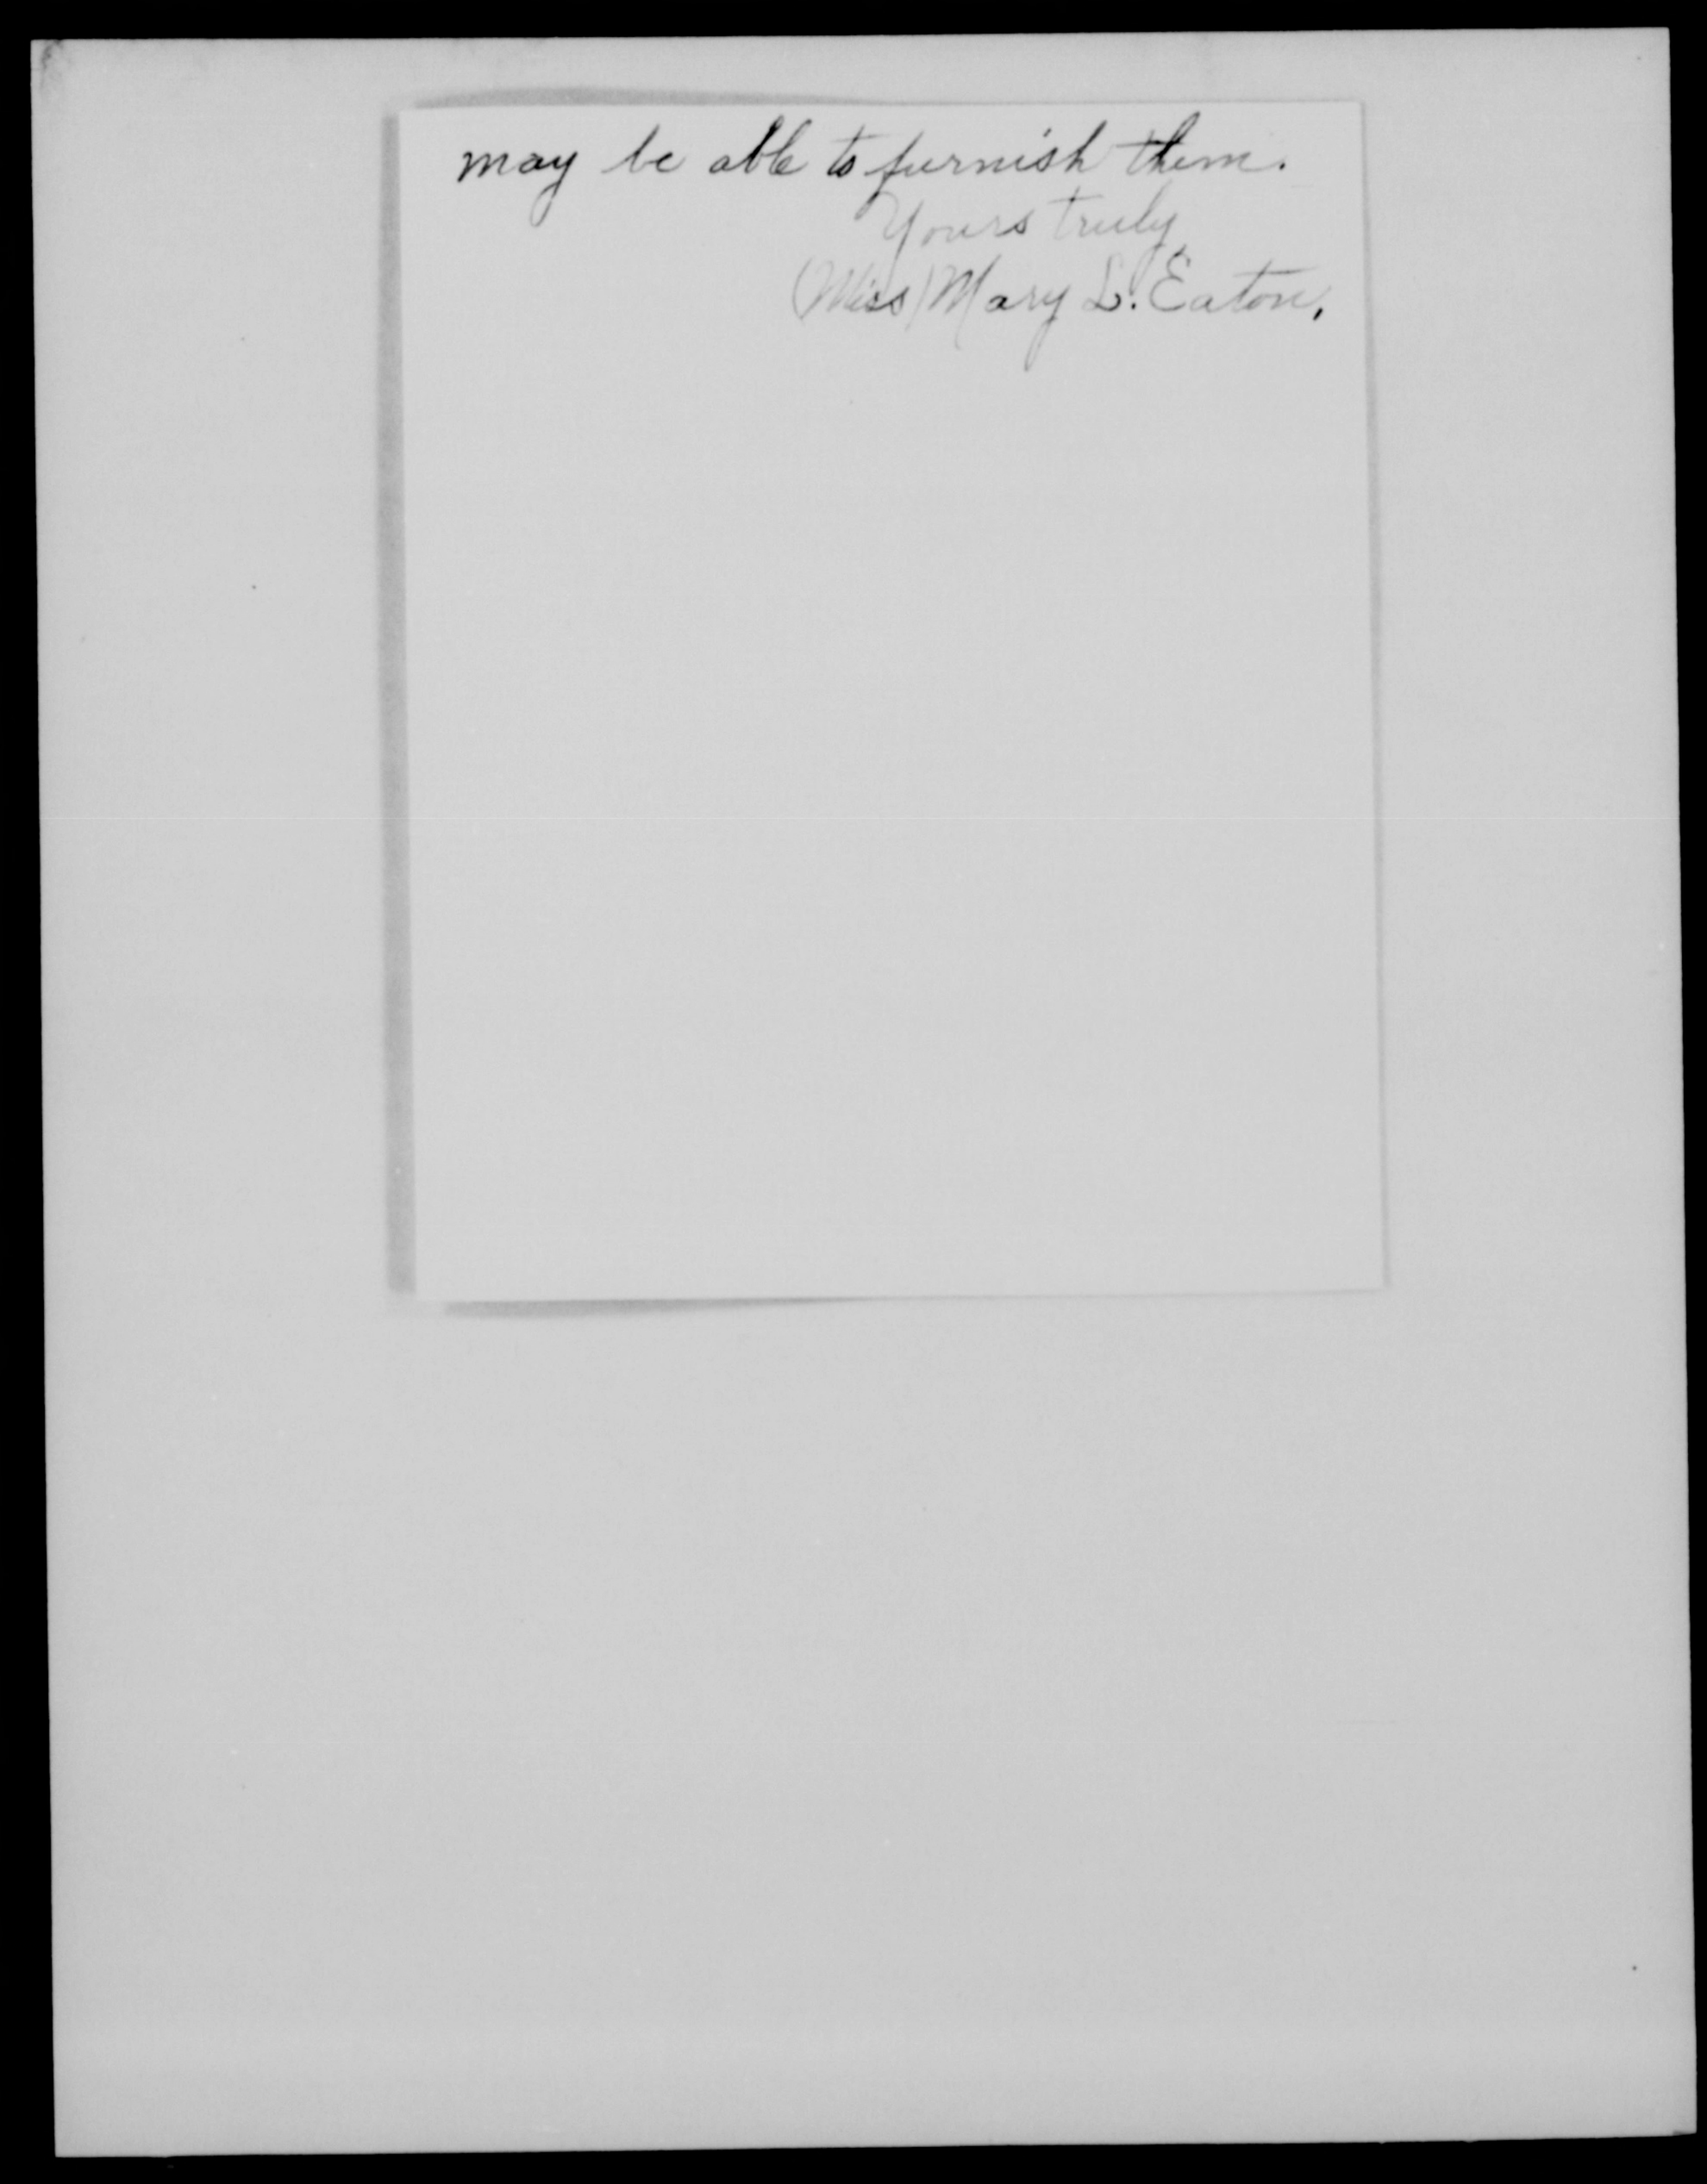may be able to furnish them. 

Yours truly, 
Miss Mary L. Eaton,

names: Mary L Eaton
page: 38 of 70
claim: rejected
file: R. 10,026, for Ephraim Squier, Connecticut